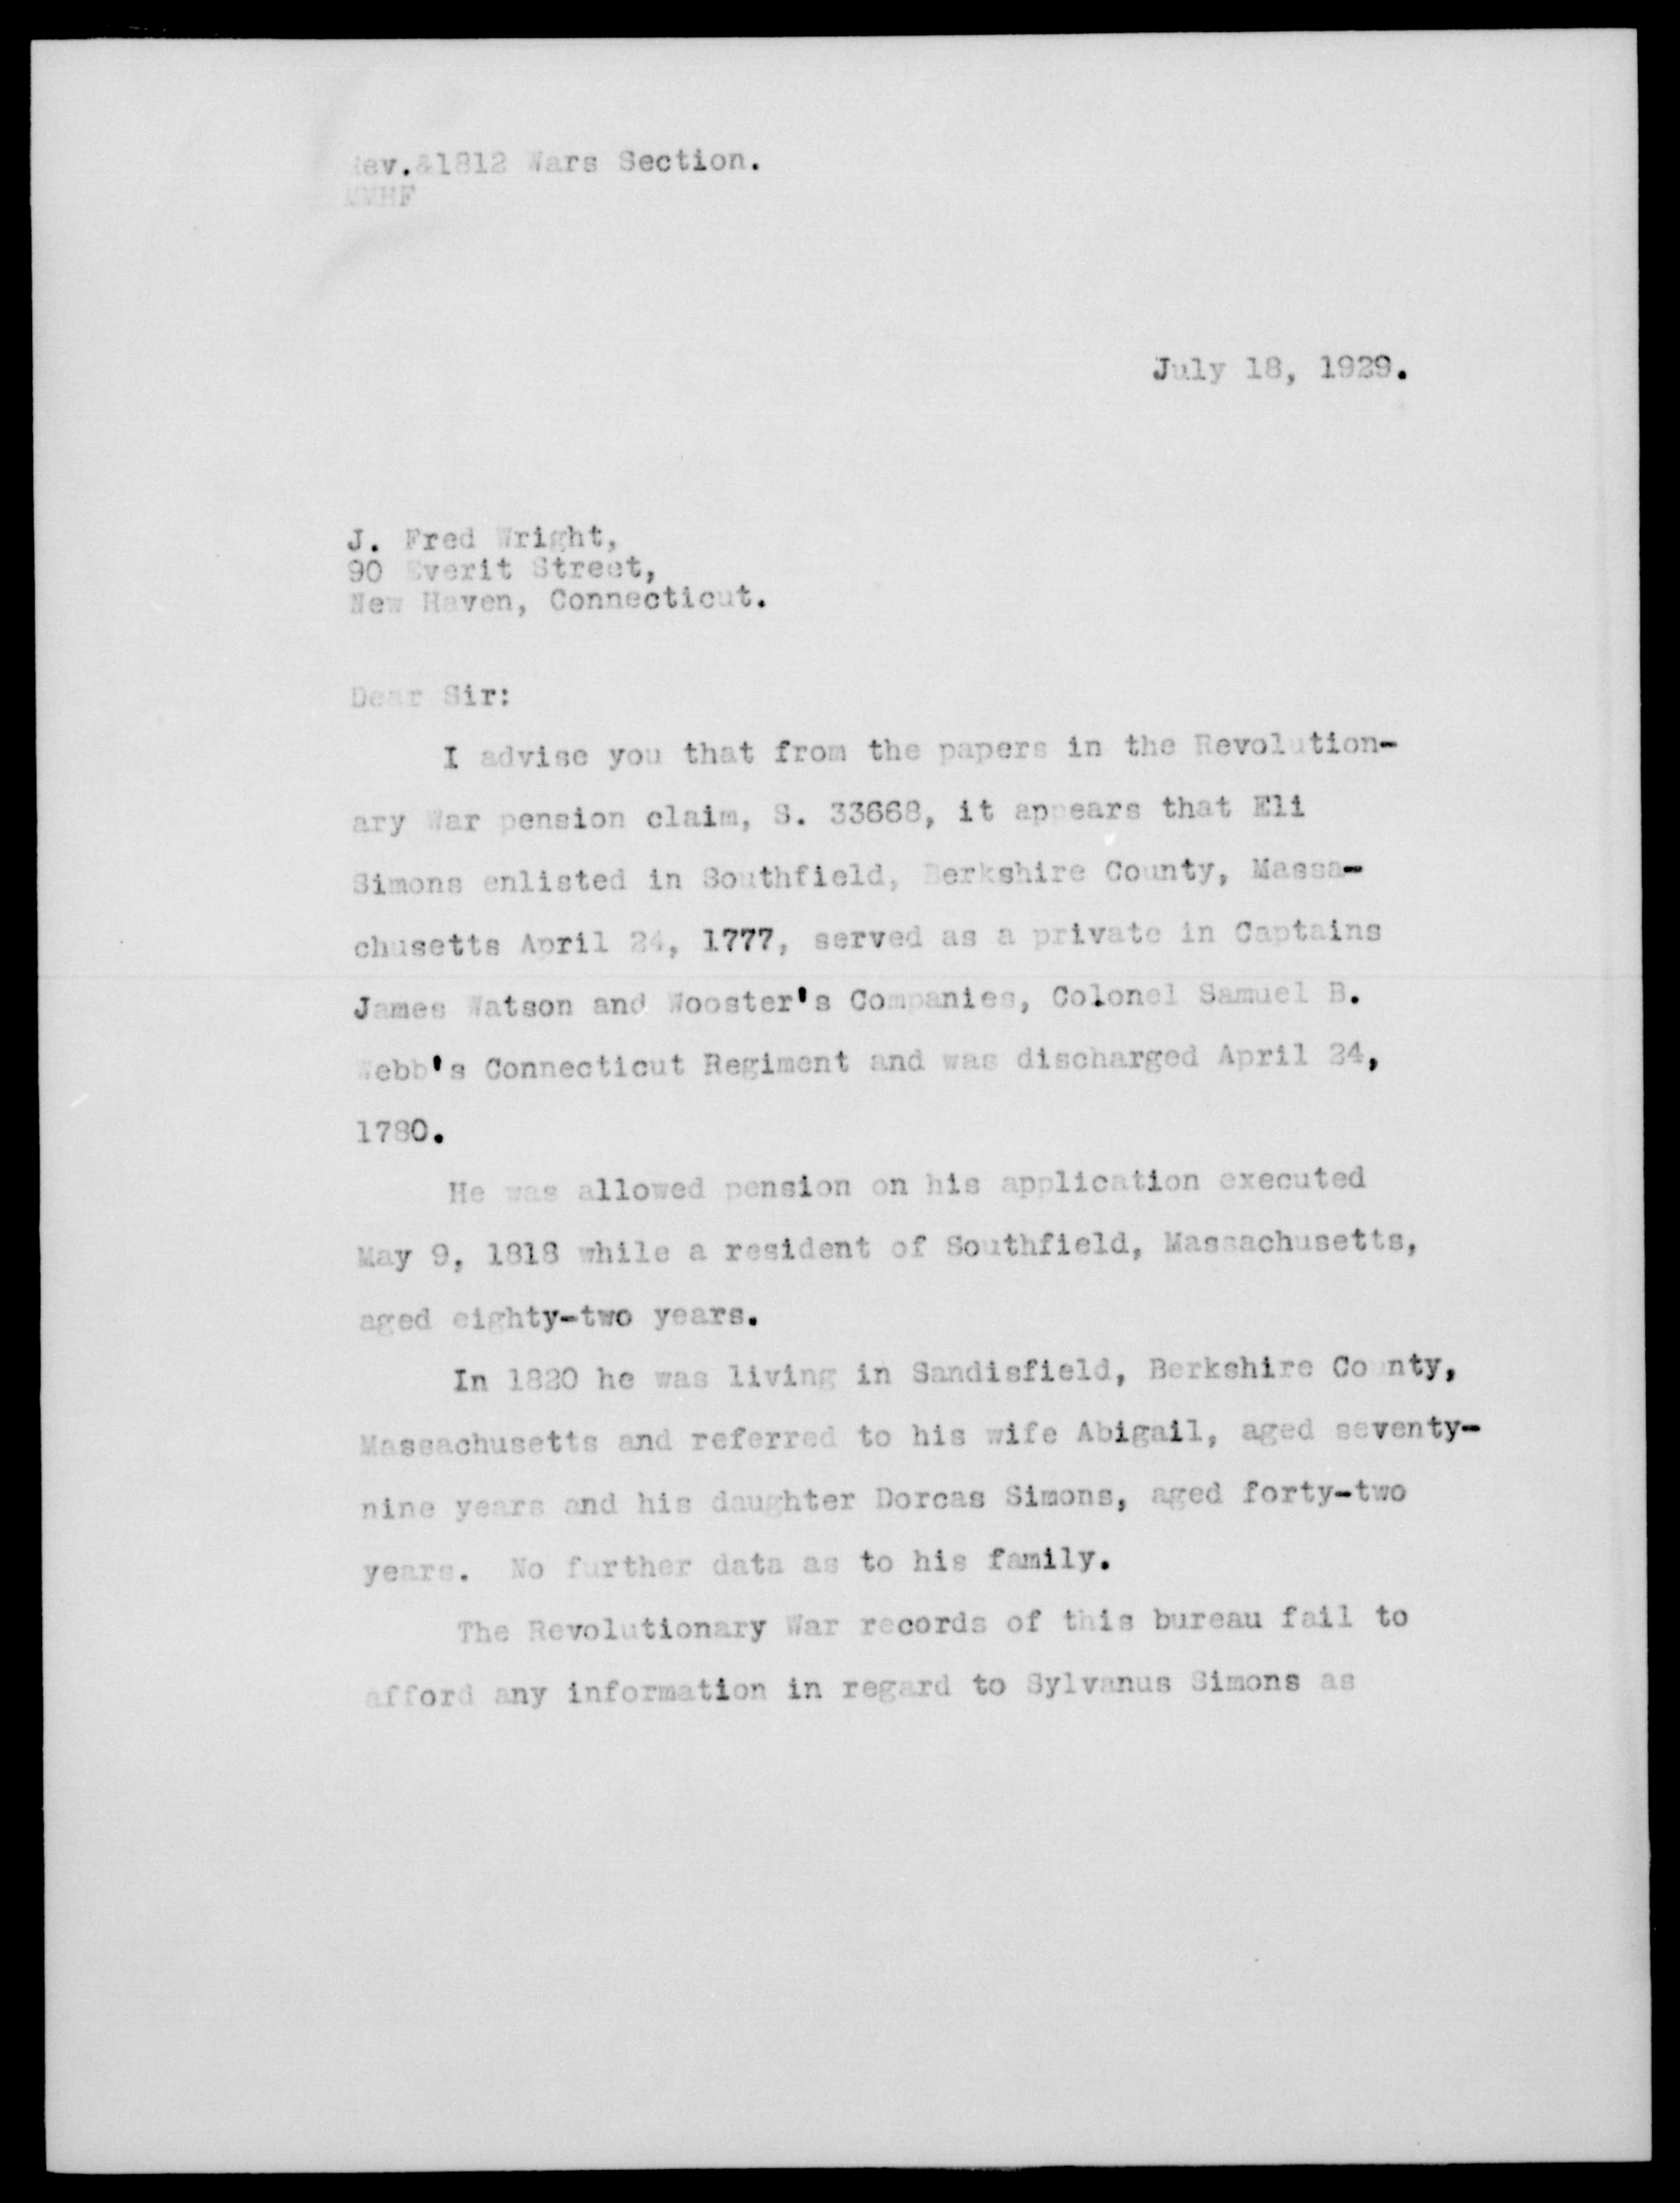Rev. & 1812 Wars Section.
MVHF
July 18, 1929.

J. Fred Wright,
90 Everit Street
New Haven, Connecticut.

Dear Sir:
I advise you that from the papers in the Revolutionary War pension claim, S. 33668, it appears that Eli Simons enlisted in Southfield, Berkshire County, Massachusetts April 24, 1777, served as a private in Captains James Watson and Wooster's Companies, Colonel Samuel B. Webb's Connecticut Regiment and was discharged April 24, 1780.
He was allowed pension on his application executed May 9, 1818 while a resident of Southfield, Massachusetts, aged eighty-two years.
In 1820 he was living in Sandisfield, Berkshire County, Massachusetts and referred to his wife Abigail, aged seventy-nine years and his daughter Dorcas Simons, aged forty-two years. No further data as to his family.
The Revolutionary War records of this bureau fail to afford any information in regard to Sylvanus Simons as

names: Sylvanus Simons; Fred Wright; Abigail [BLANK]; Eli Simons; Dorcas Simons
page: 7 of 20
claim: survivor's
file: S 33668, for Eli Simons, Connecticut